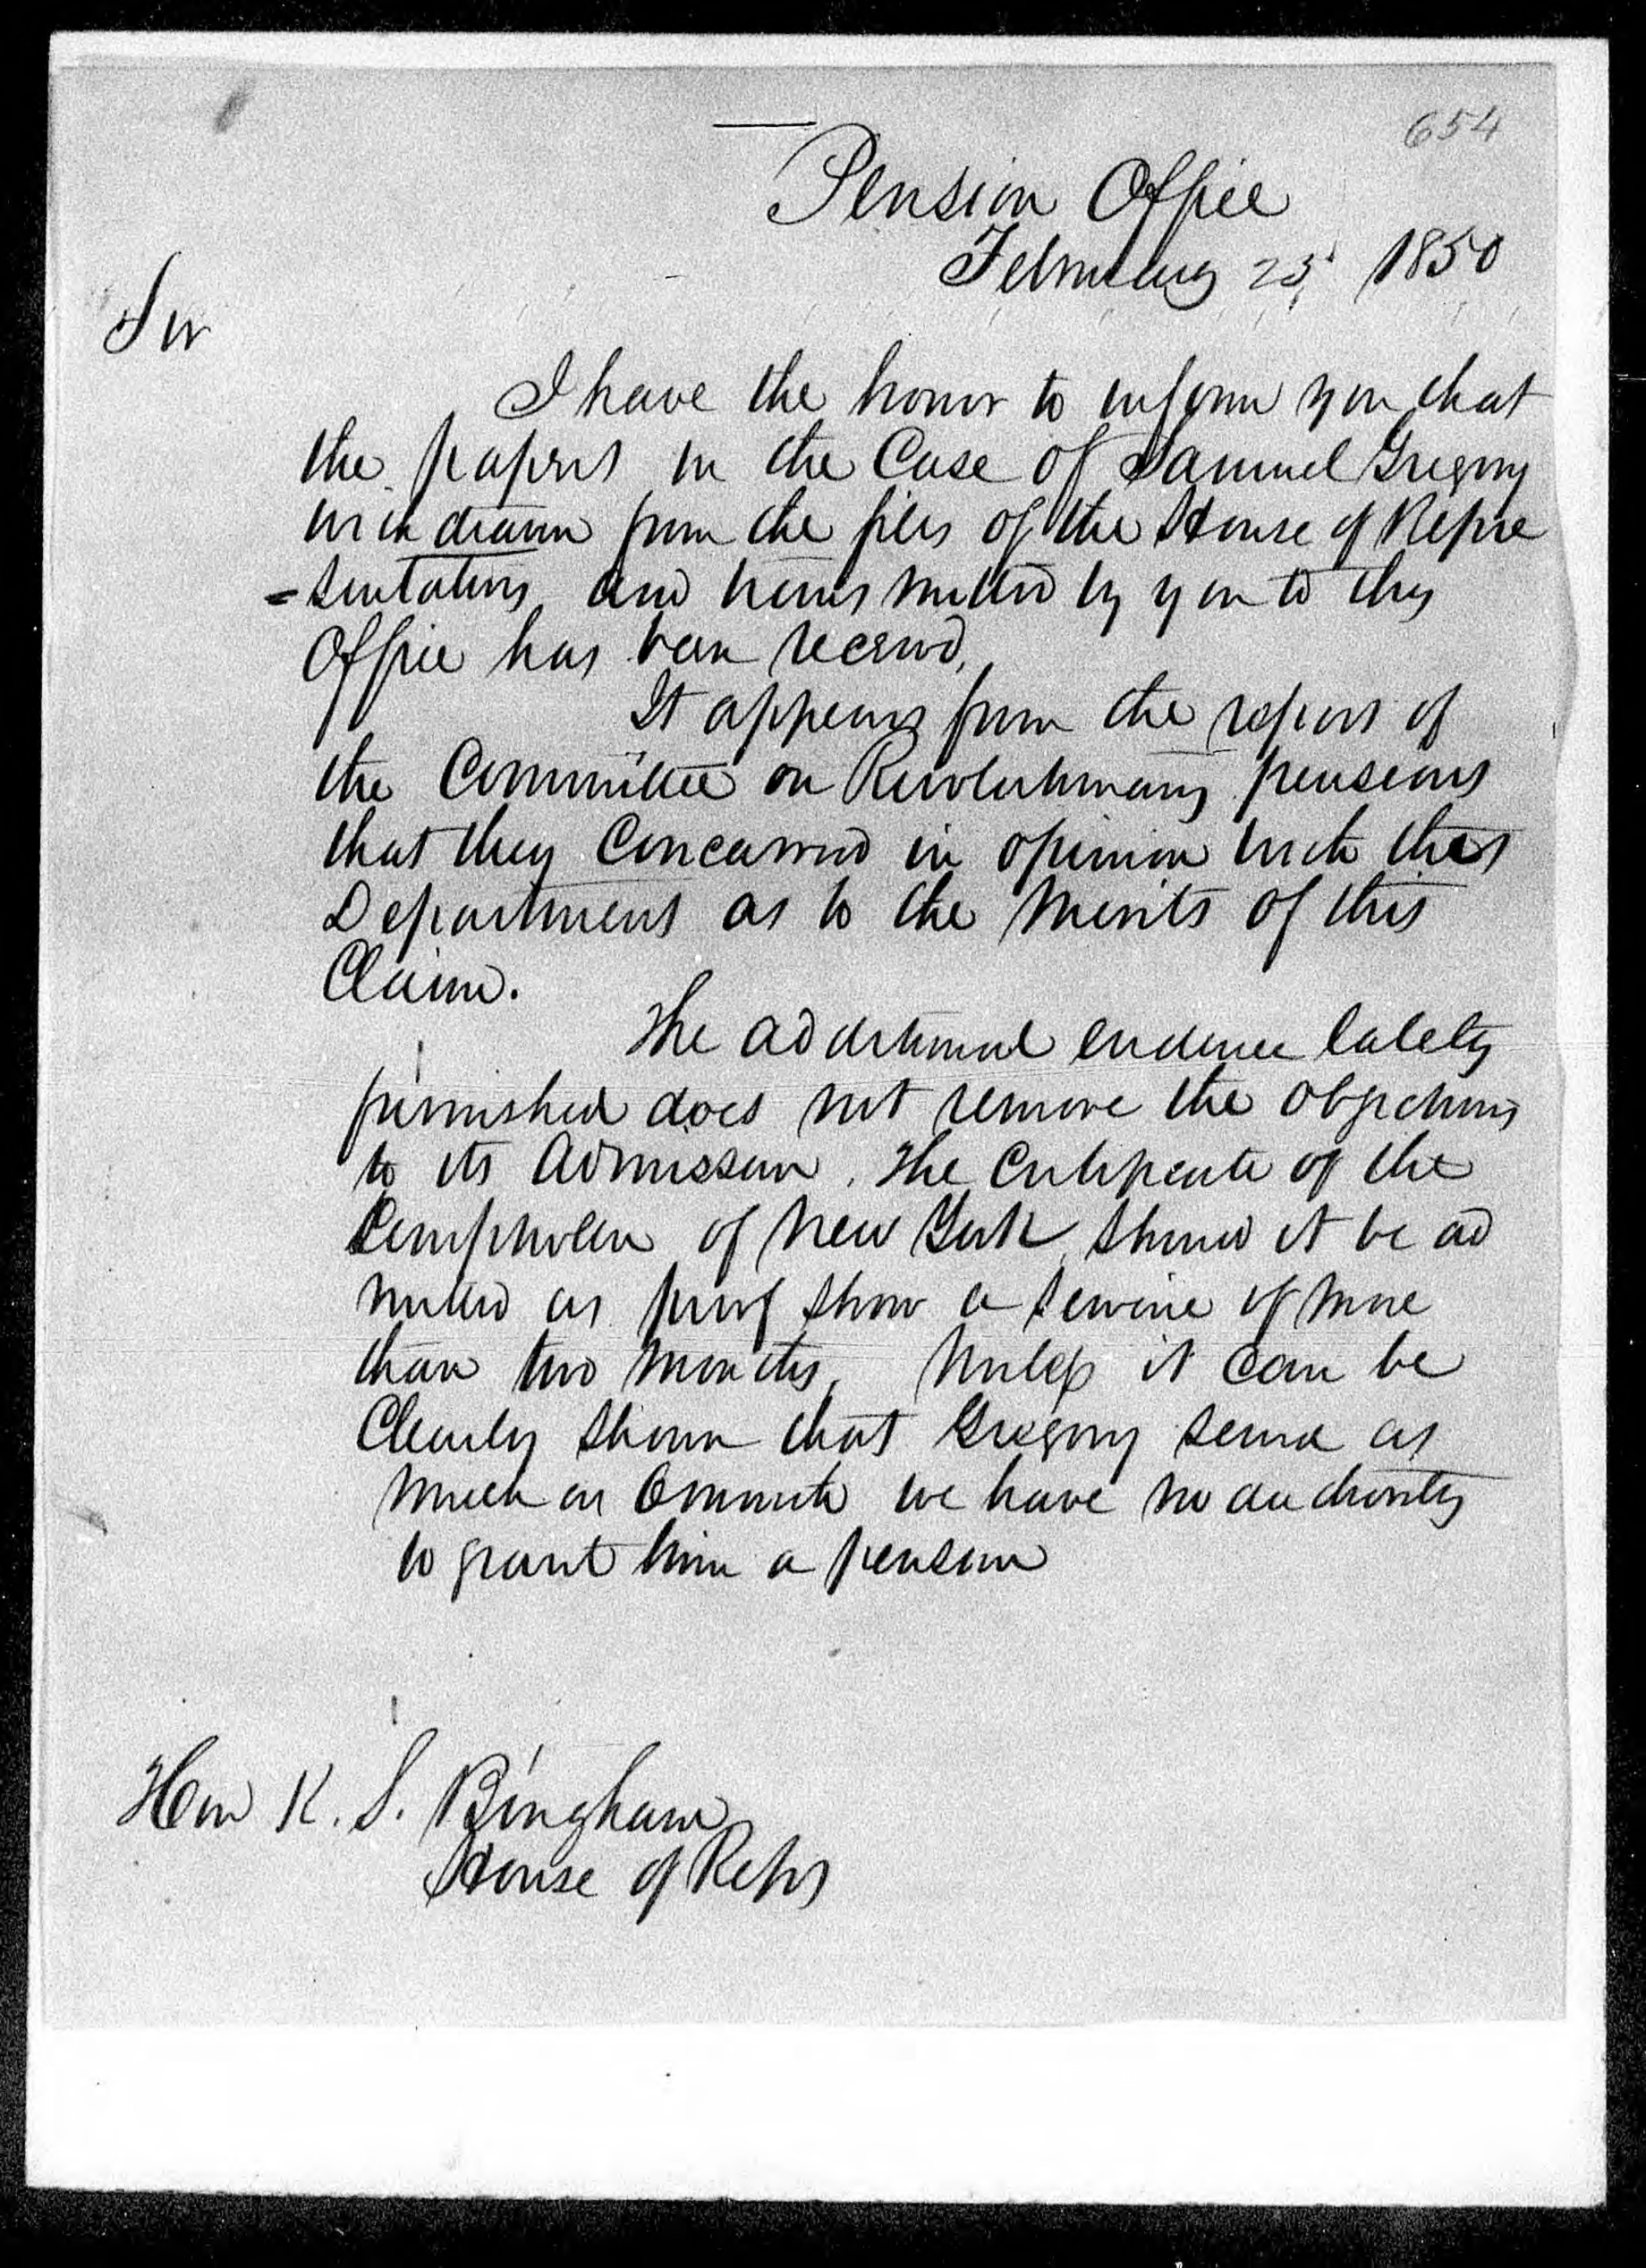Pension Office 
February 23 1850

Sir

I have the honor to inform you that the papers in the case of Samuel Gregory with claim from the files of the House of Representatives and handwritten by you to thy office has been record,
It appears from the [illegible] of the Committee on Revolutionary pensions that they concurred in opinion with that Department as to the mints of this claim.
The ad [illegible] lately [illegible] does not remove the objectives to its admission. The [illegible] of New York should it be a matter as proof show a service of more than two months [illegible] it can be clearly shown that Gregory served as much as 6 months we have no [illegible] to grant him a pension

Hon R. S. Bingham
House of Reps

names: Samuel Gregory, K S Bingham, Gregory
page: 37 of 66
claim: rejected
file: R. 4298, Samuel Gregory, New York